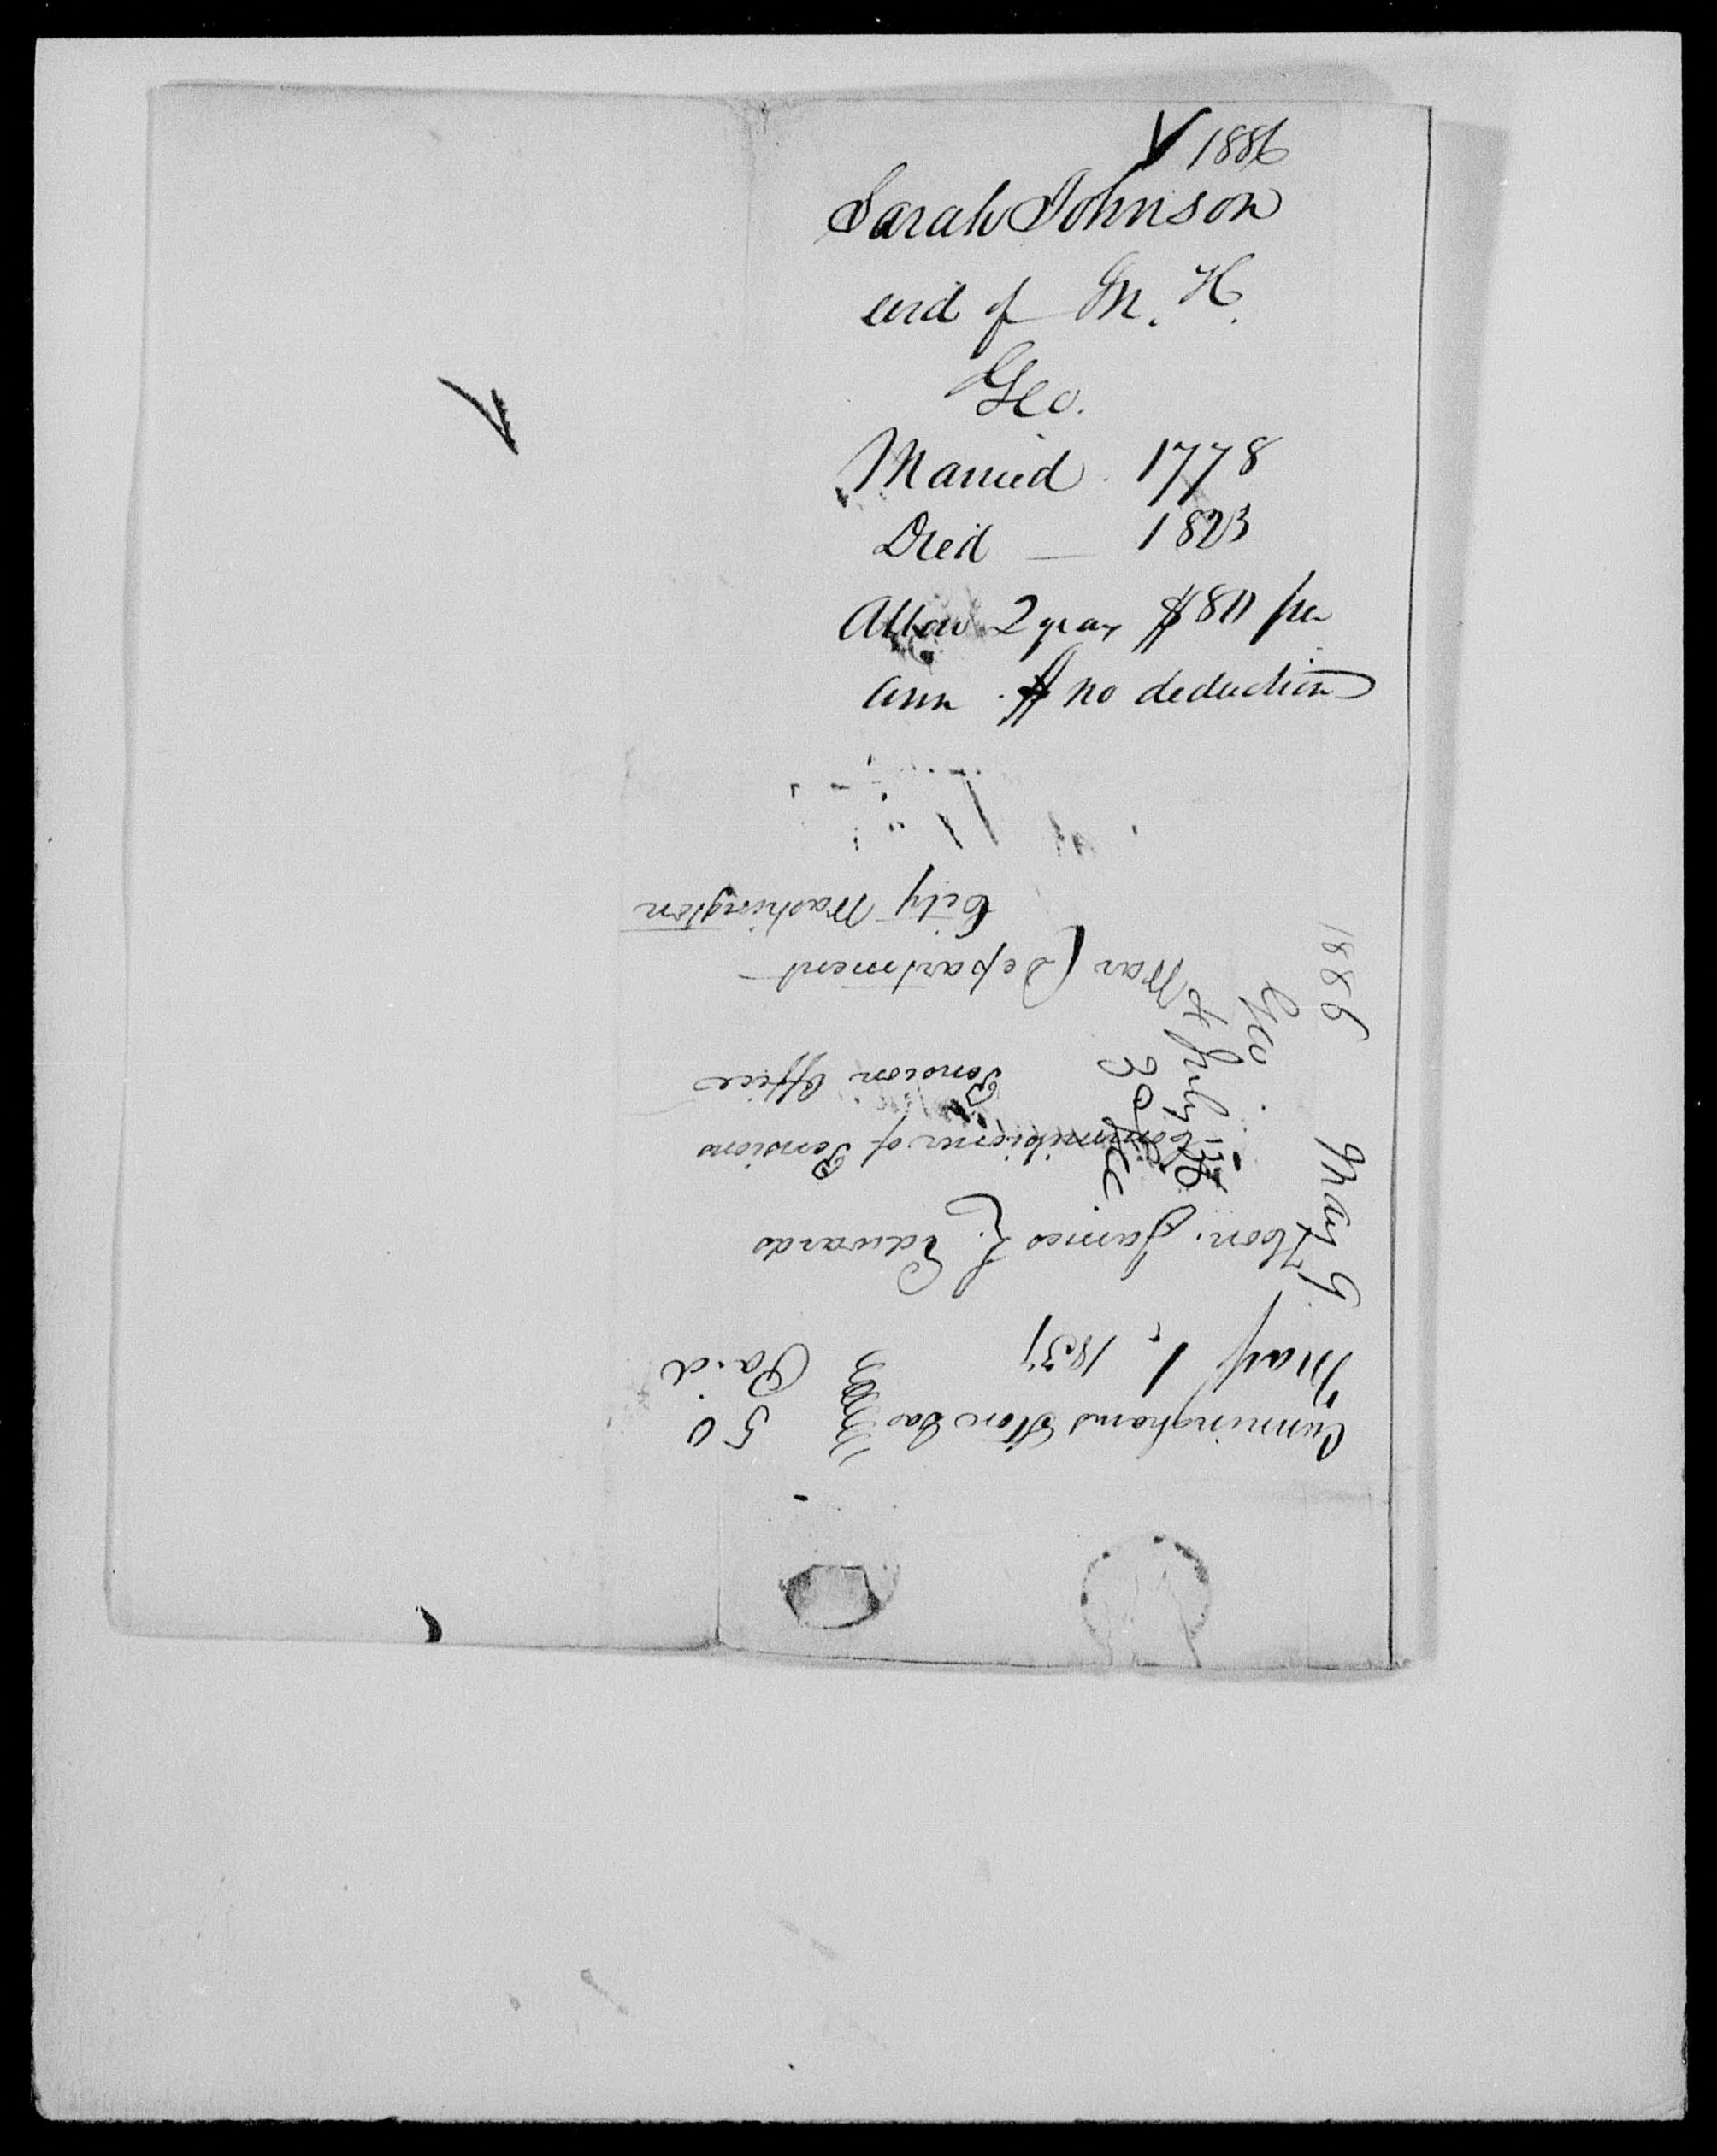[check mark] 1886
Sarah Johnson
wid of Jn. H. 
Geo.
Married 1778
Died - 1823
Allow 2 years $80 per ann. $ no deduction



[rest written upside down]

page: 14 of 26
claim: widow's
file: W. 4464, for John H Johnson, Georgia